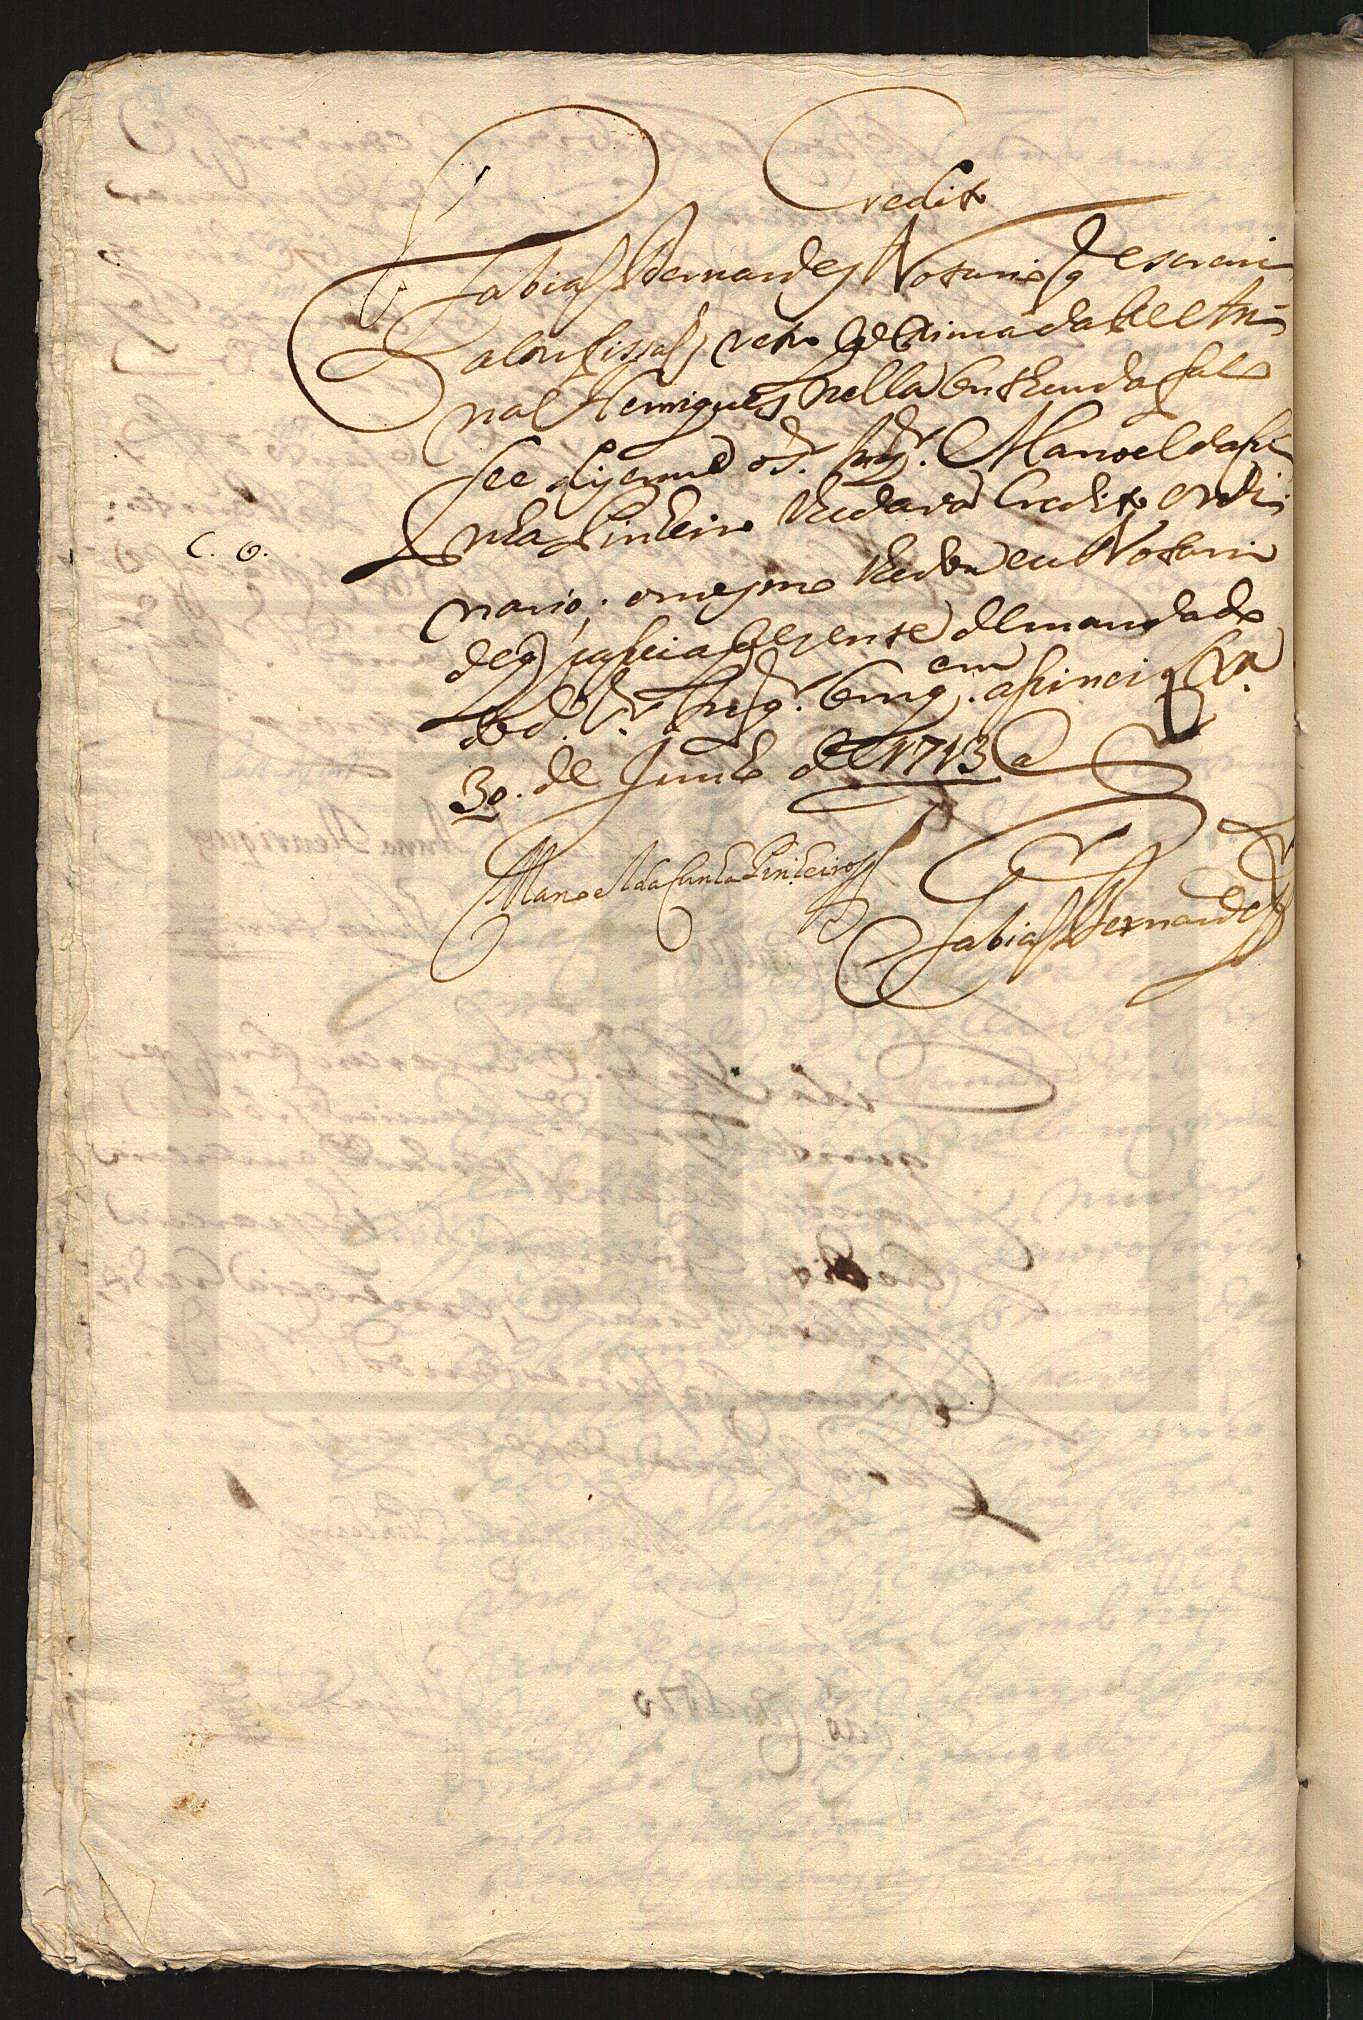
Credito
Fabiā Bernardes Notario q̄ escreui
a confissaõ retro proxima da Ree An
na Henriques nella Contheuda faÇo
fee diseme o s.or Inq.or Manoel da Cu
nha Pinheiro lhe dava Credito ordi
c.o.
nario o mesmo lhe dou eu Notario
de q̄ passei a prezente de mandado
do d.o s.r Inq.or Com q.em assinei Lx.a
30. de Junho de 1713 ā
Manoel da Cunha Pinheiro
Fabiā Bernardes
